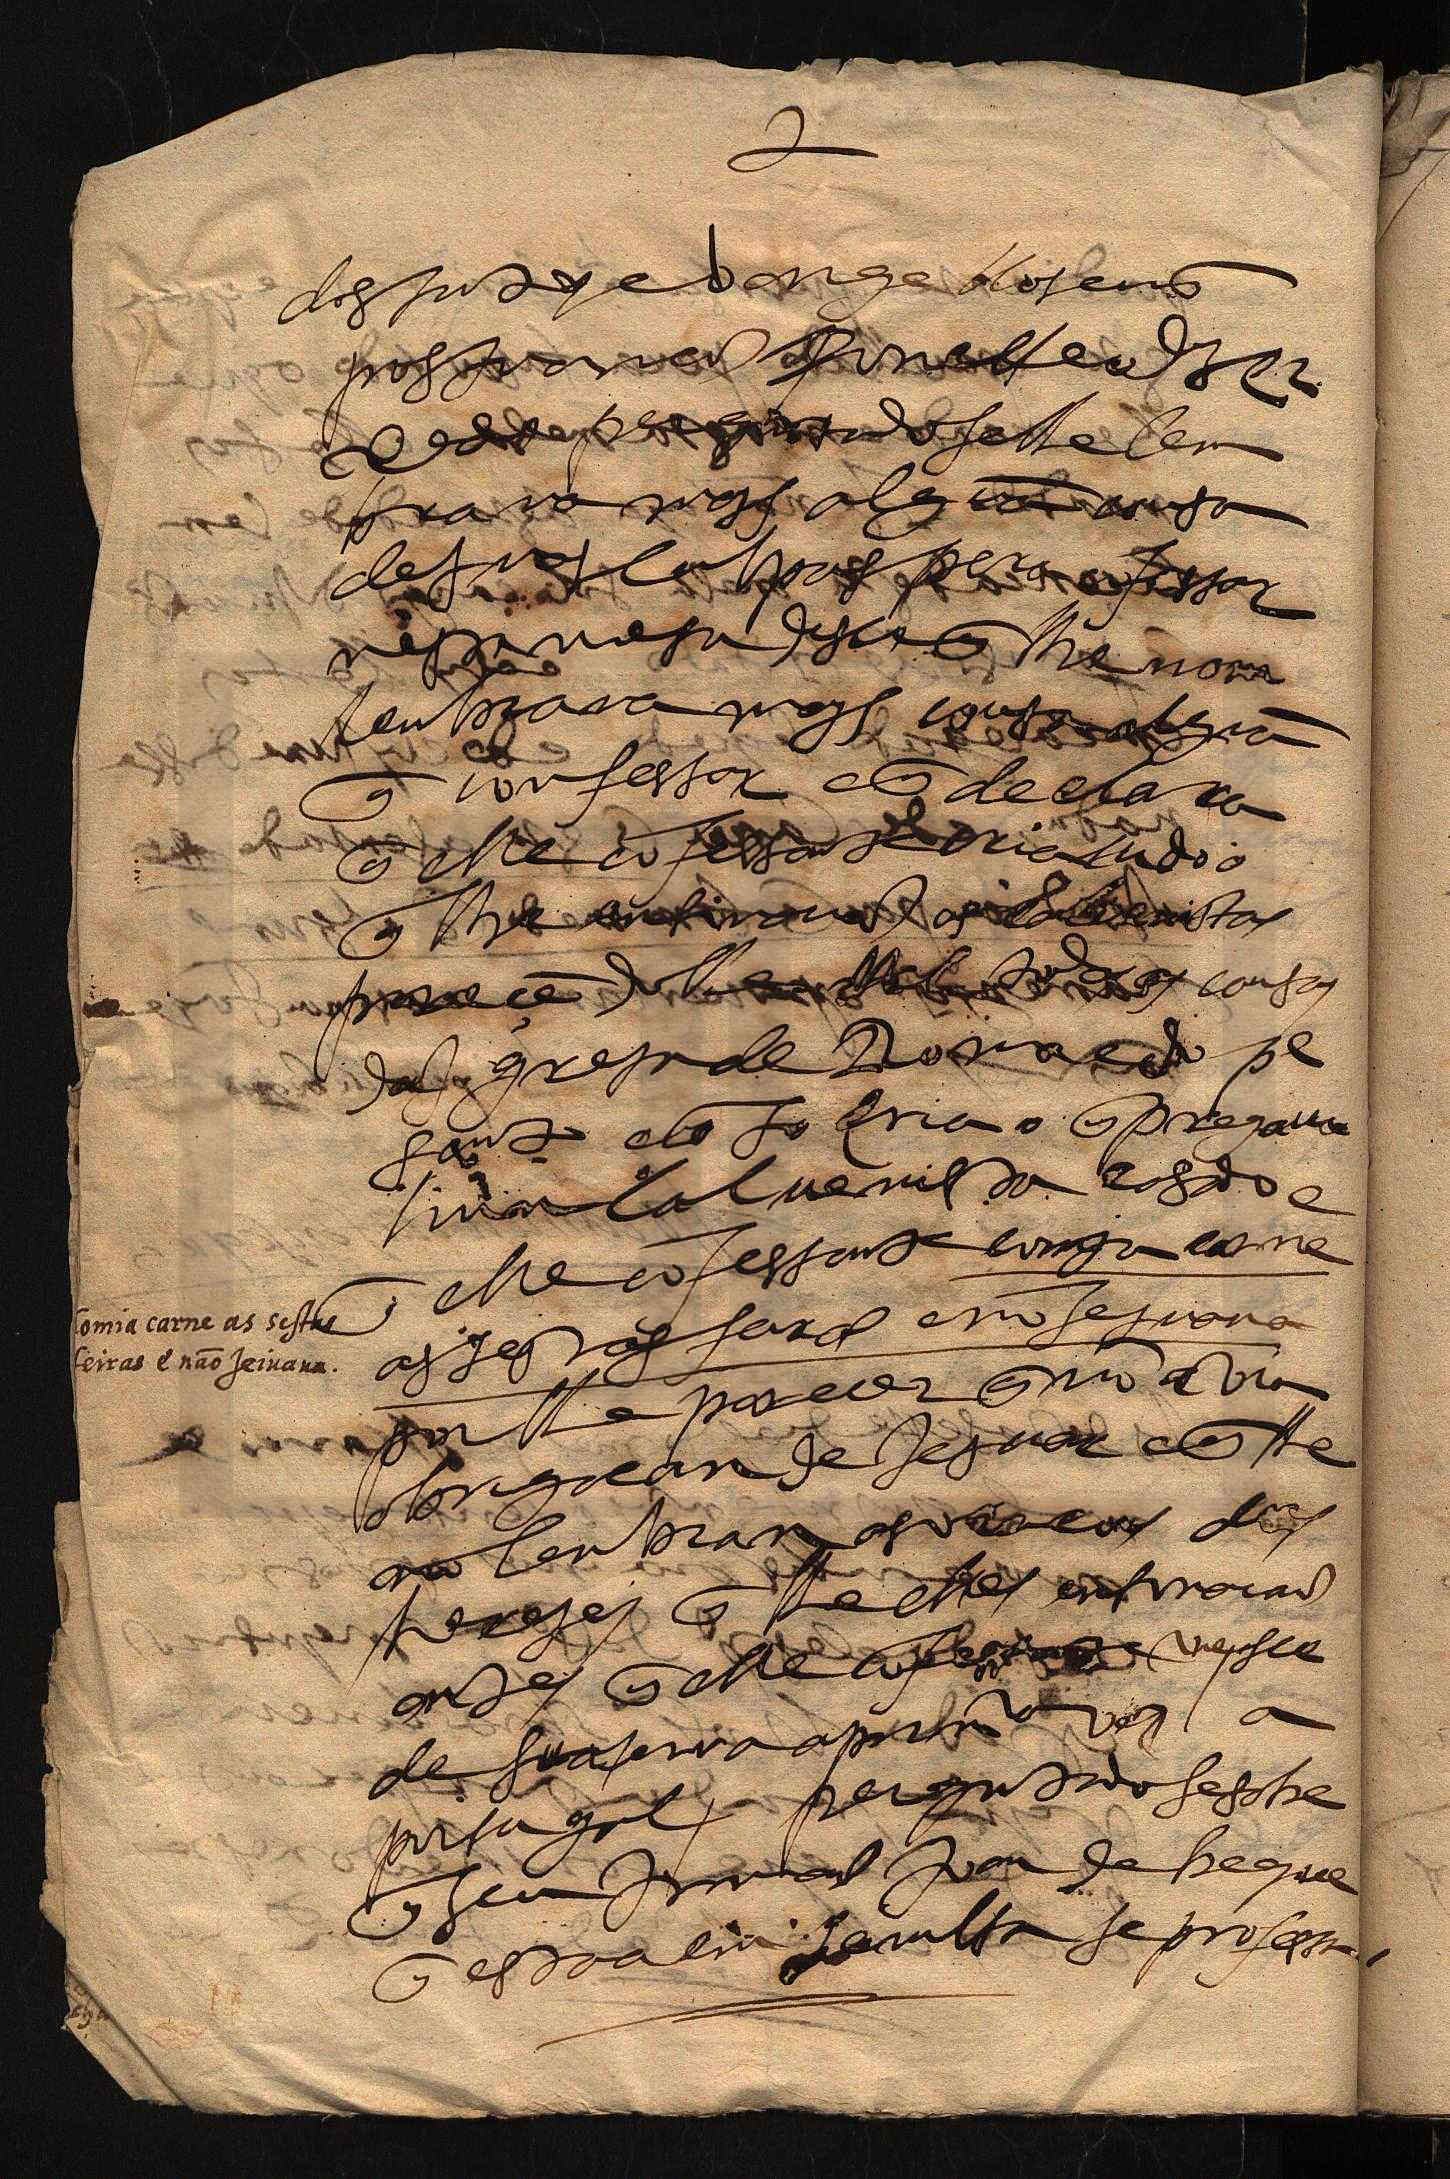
dos santos evangelhos em q̄
pos sua maõ ꝓmetteo dizer
ꝟdade perguntado se lhe lem
braua majs algūa cousa
de suas culpas pera cōfessar
nesta mesa disse q̄ lhe nom
lembraua majs cousa alguā
q̄ confessar e q̄ declara
q̄ elle cōfessase cria tudo o
q̄ lhe ensinauaõ os caluenistas
parecēdo lhe Mal todas as cousas
da Jgreja de Roma e do pe
santo e q̄ so Cria o q̄ pregaua
hum Caluenista casado e
q̄ elle cōfessante comja carne
Comia carne as sestas
feiras e não Jeiuaua.
as sestas feiras e nō Jejuaua
por lhe parecer q̄ nō avia
obrigaçam de Jejuar e q̄ lhe
nō lenbram as oraçois dos
herejes q̄ lhe elles ensinaraõ
antes q̄ elle cōfessante vyesse
de sua terra a primra vez a
portugal / pergūtado se sabe
q̄ seu Jrmaõ Joam de beque
q̄ estaa em seuilha se professa
